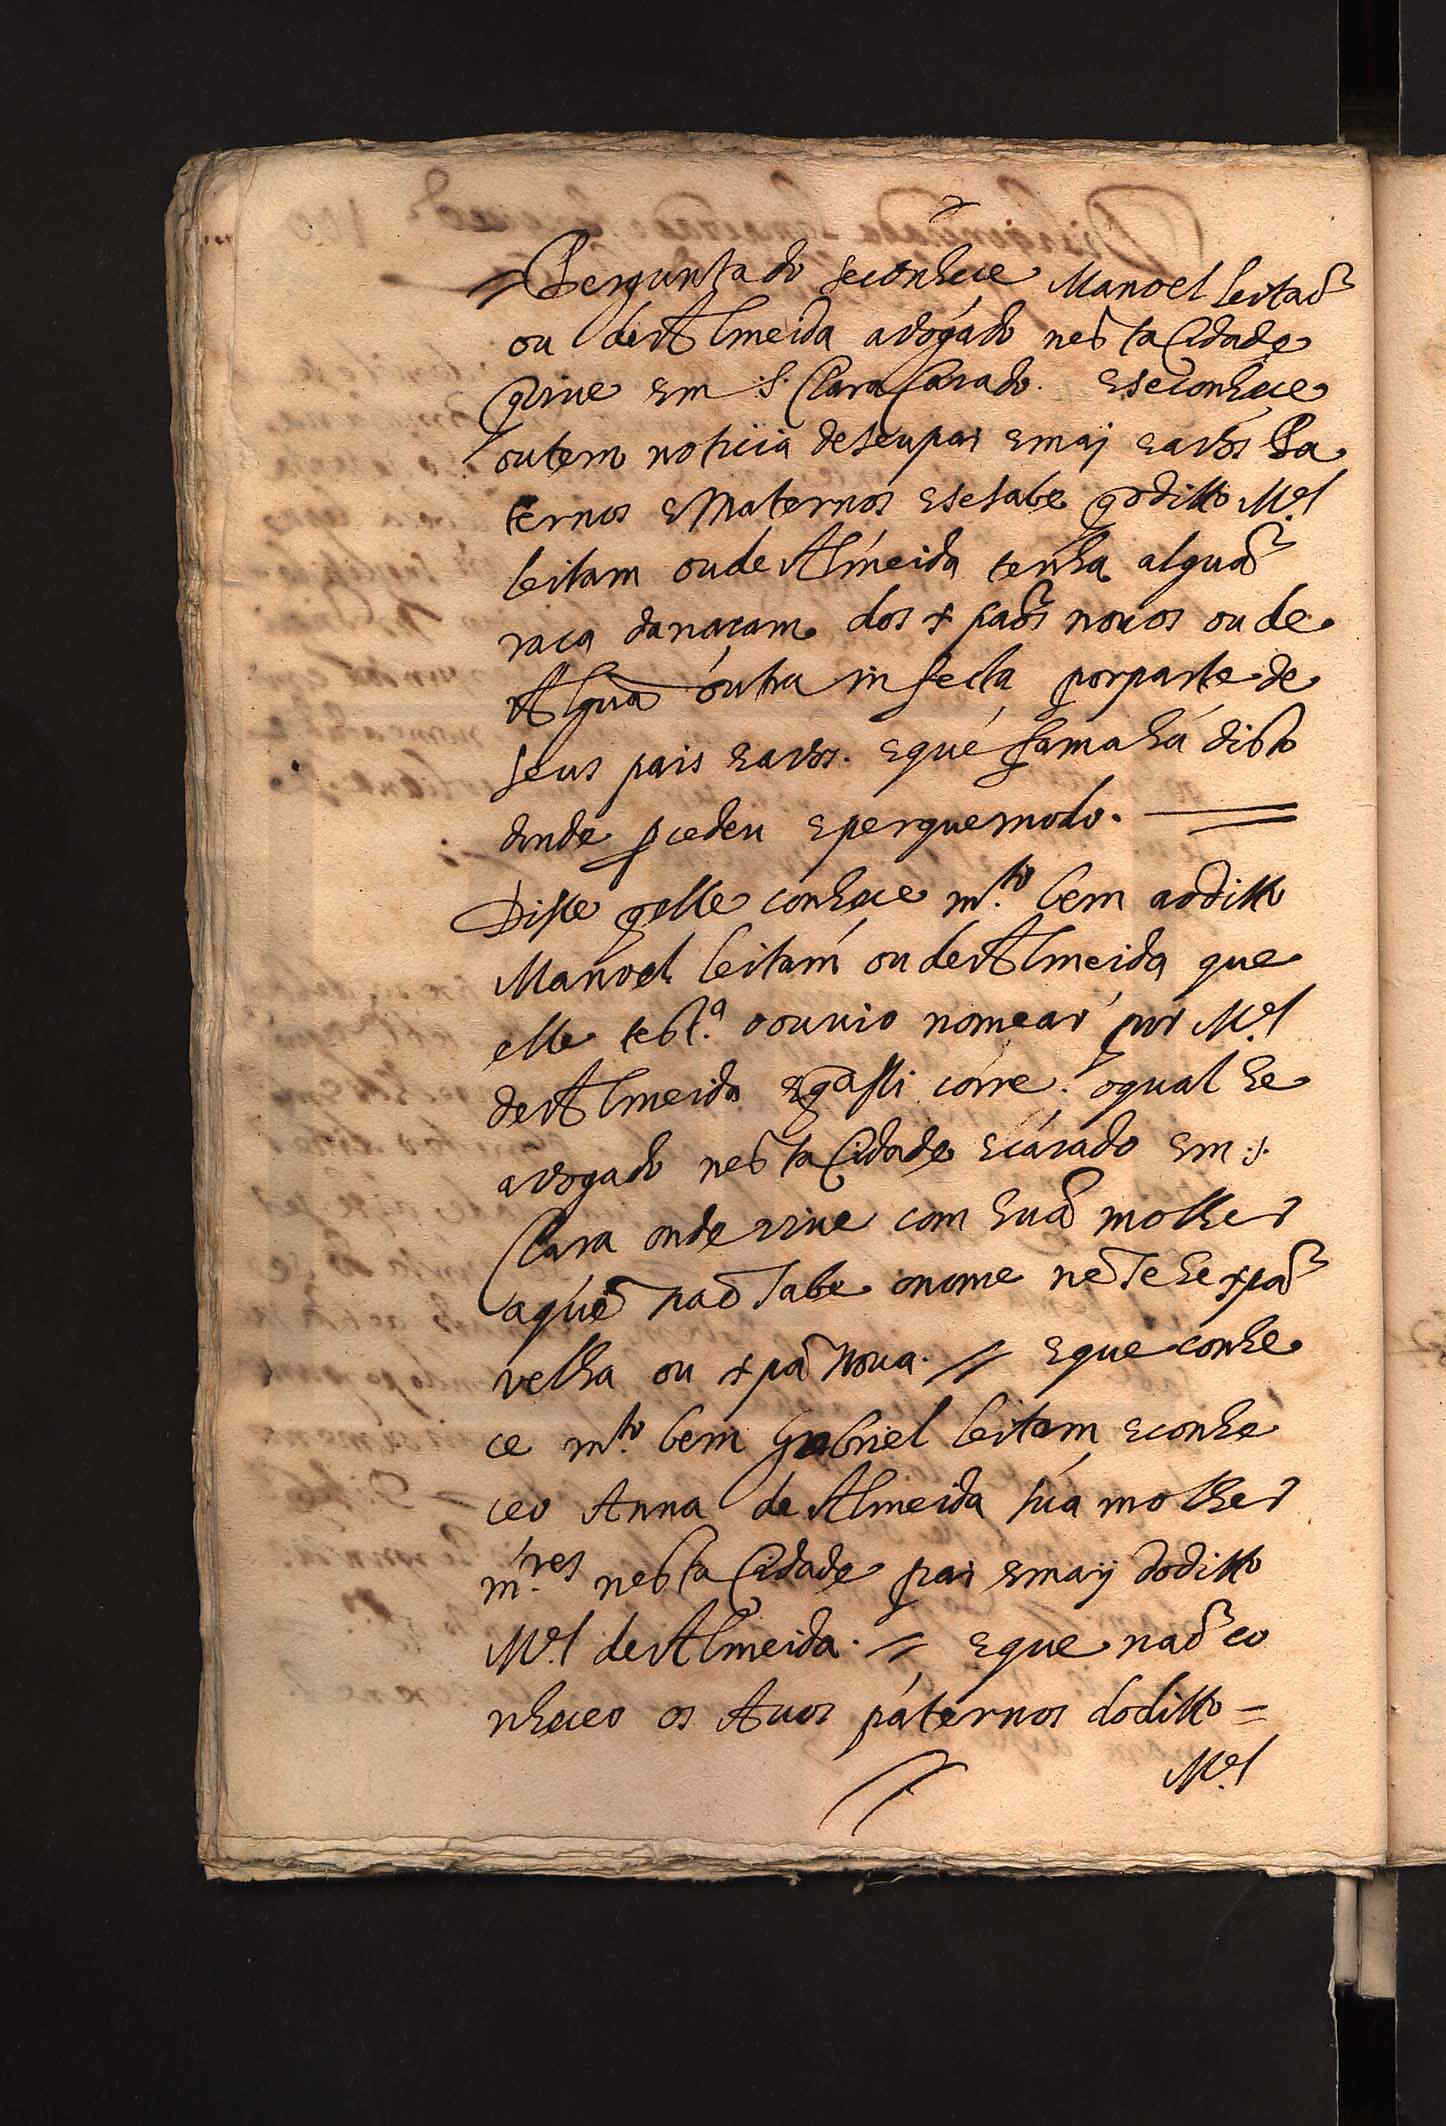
Perguntado se conhece Manoel Leitaõ
ou de Almeida avogado nesta Cidade
q̄ uiue Em S. Clara Cazado E se conhece
ou tem noticia de seu pai E maj E avos Pa
ternos E Maternos, E se sabe q̄ o ditto M.el
leitam ou de Almeida tenha alguā
raça da naçam dos xpaõs nouos ou de
Alguā outra infecta, por parte de
seus pais E avos. E que fama há disto
donde ꝓcedeu E per que modo.
Disse q̄ elle conhece m.to bem ao ditto
Manoel leitam ou de Almeida que
elle test.a o ouuio nomear por M.el
de Almeida E q̄ assi corre, o qual he
avogado nesta Cidade E cazado Em S.
Clara onde viue com huā molher
a quē naõ sabe o nome nē se he xpā
velha ou xpā noua. // E que conhe
ce m.to bem Gabriel leitam, E conhe
ceo Anna de Almeida sua molher
m.res nesta Cidade pai E may do ditto
M.el de Almeida. // E que naõ co
nheceo os Auos paternos do ditto
M.el
